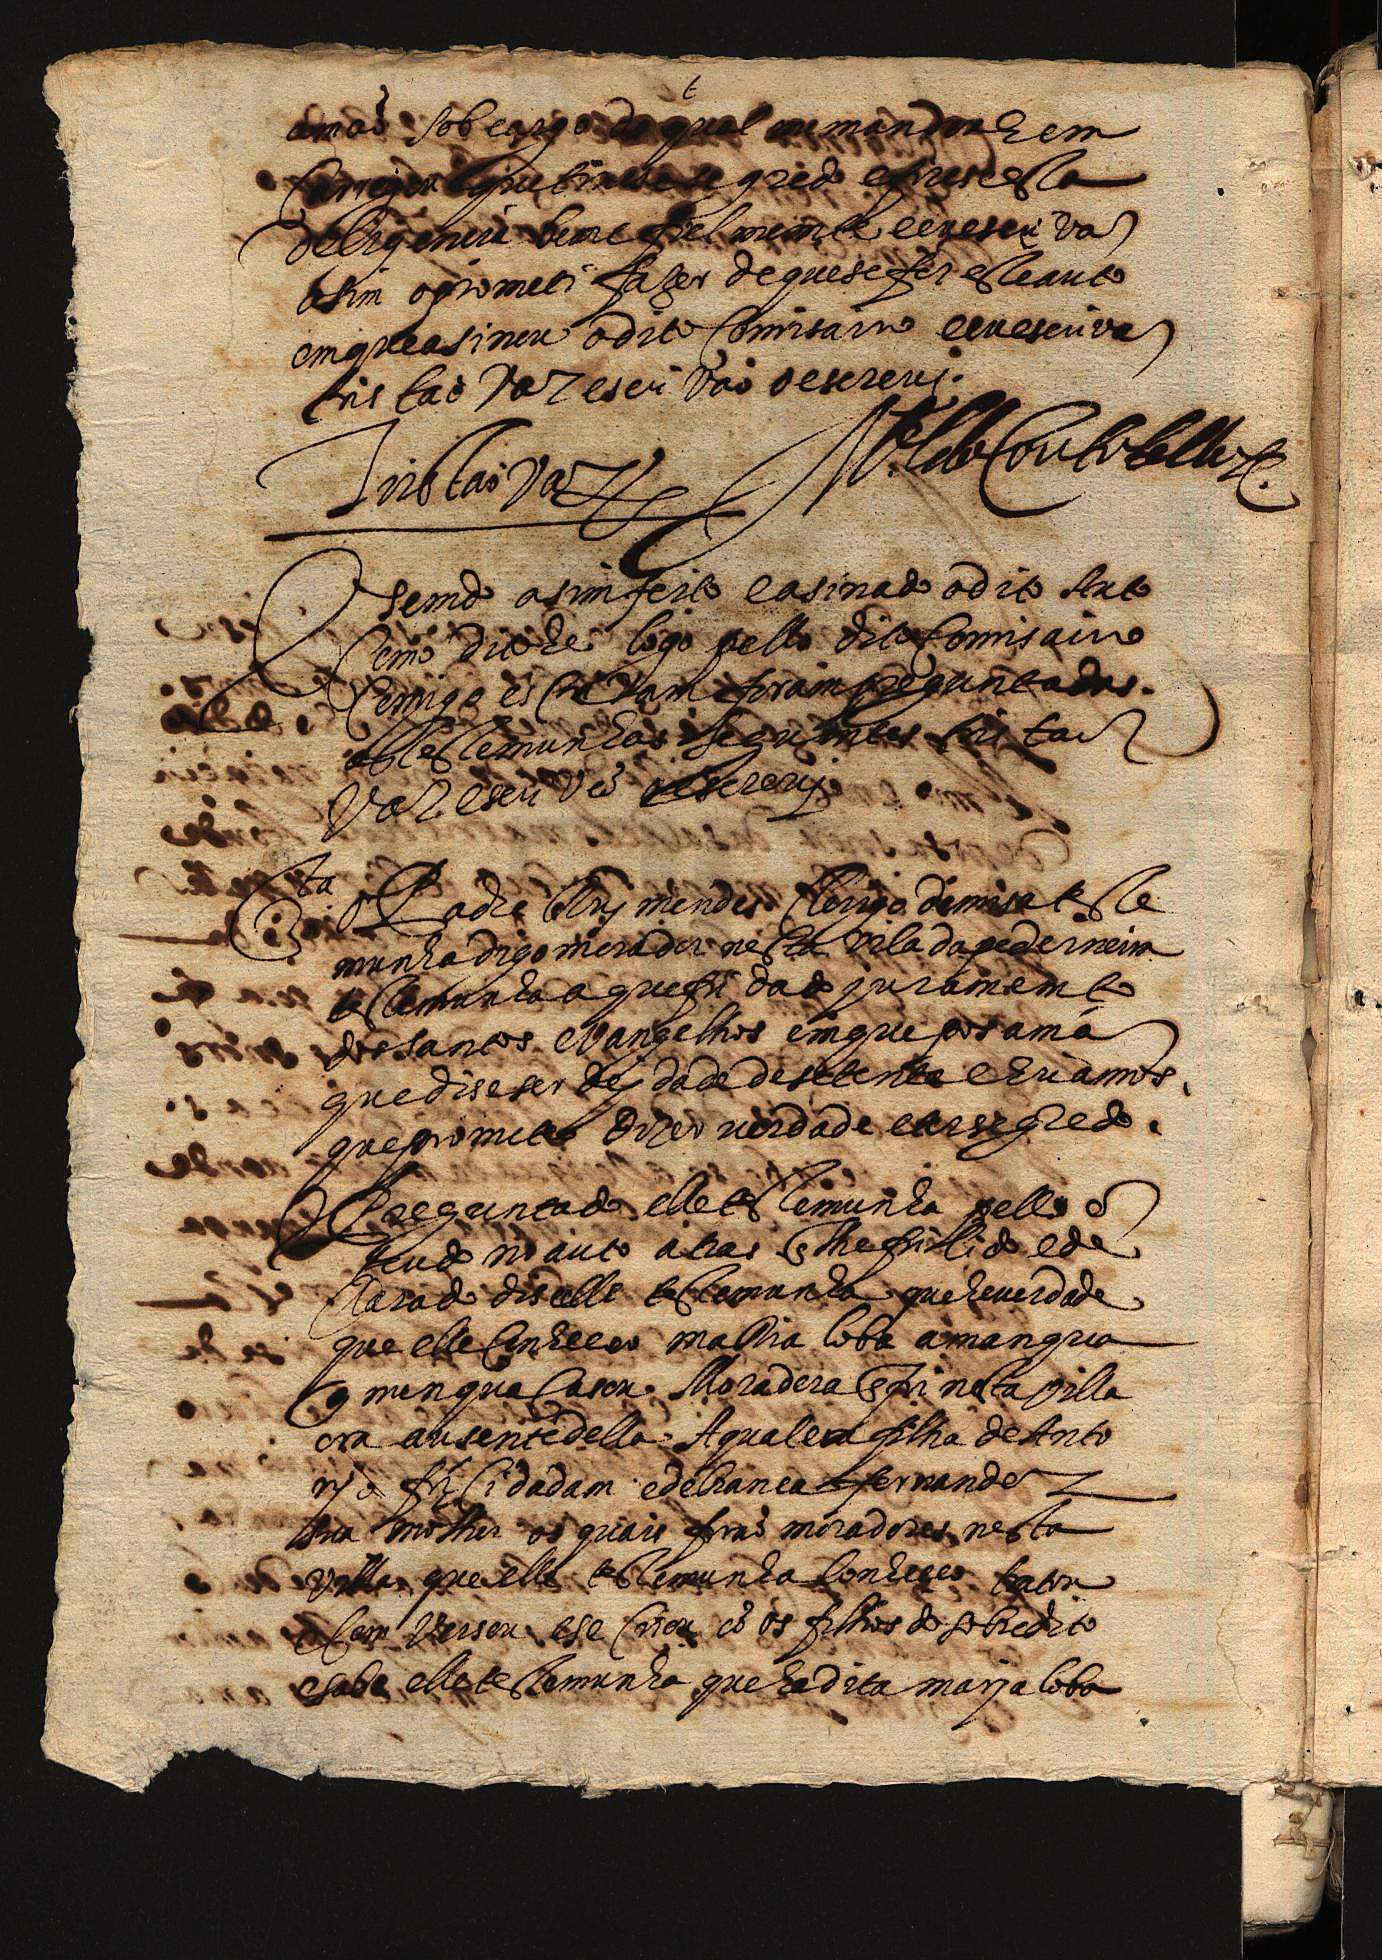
a maõ sob cargo do qual me mandou E em
Carregou que tivese segredo e fizese esta
deligencia bem e fielmemte e eu escrivā
asim o prometi fazer de que se fez este auto
em que asinou o dito Comisairo e eu escrivā
tristaõ Vaz escrivaõ o escreui.
E semdo asim feito e asinado o dito Auto
Como dito he logo pello dito Comisairo
Comigo esCrivam foram preguntadas.
as testemunhas seguintes tristaõ
Vaz escrivaõ o escreuj
Tta. O Padre Ruj mendes Clerigo de misa teste
munha digo morador nesta vila da pederneira
testemunha a que foi dado juramemto
dos santos evangelhos em que pos a mā
que dise ser de jdade de setenta e hū annos,
que prometeo dizer uerdade e ter segredo.
Preguntado elle testemunha pello ꝯ
teudo no auto atras q̄ lhe foi lido e de
Clarado dis elle testemunha que he uerdade
que elle Conheceo maRia loba a manqua
q̄ nunqua Casou. Moradora q̄ foi nesta villa
ora ausente della. A qual era filha de Anto
njo frz̄ Cidadam e de branca fernandez
sua molher os quais foraõ moradores nesta
villa que elle testemunha Conheceo tratou
e ComVersou e se Criou cō os filhos do sobredito
e sabe elle testemunha que ha dita marja loba
